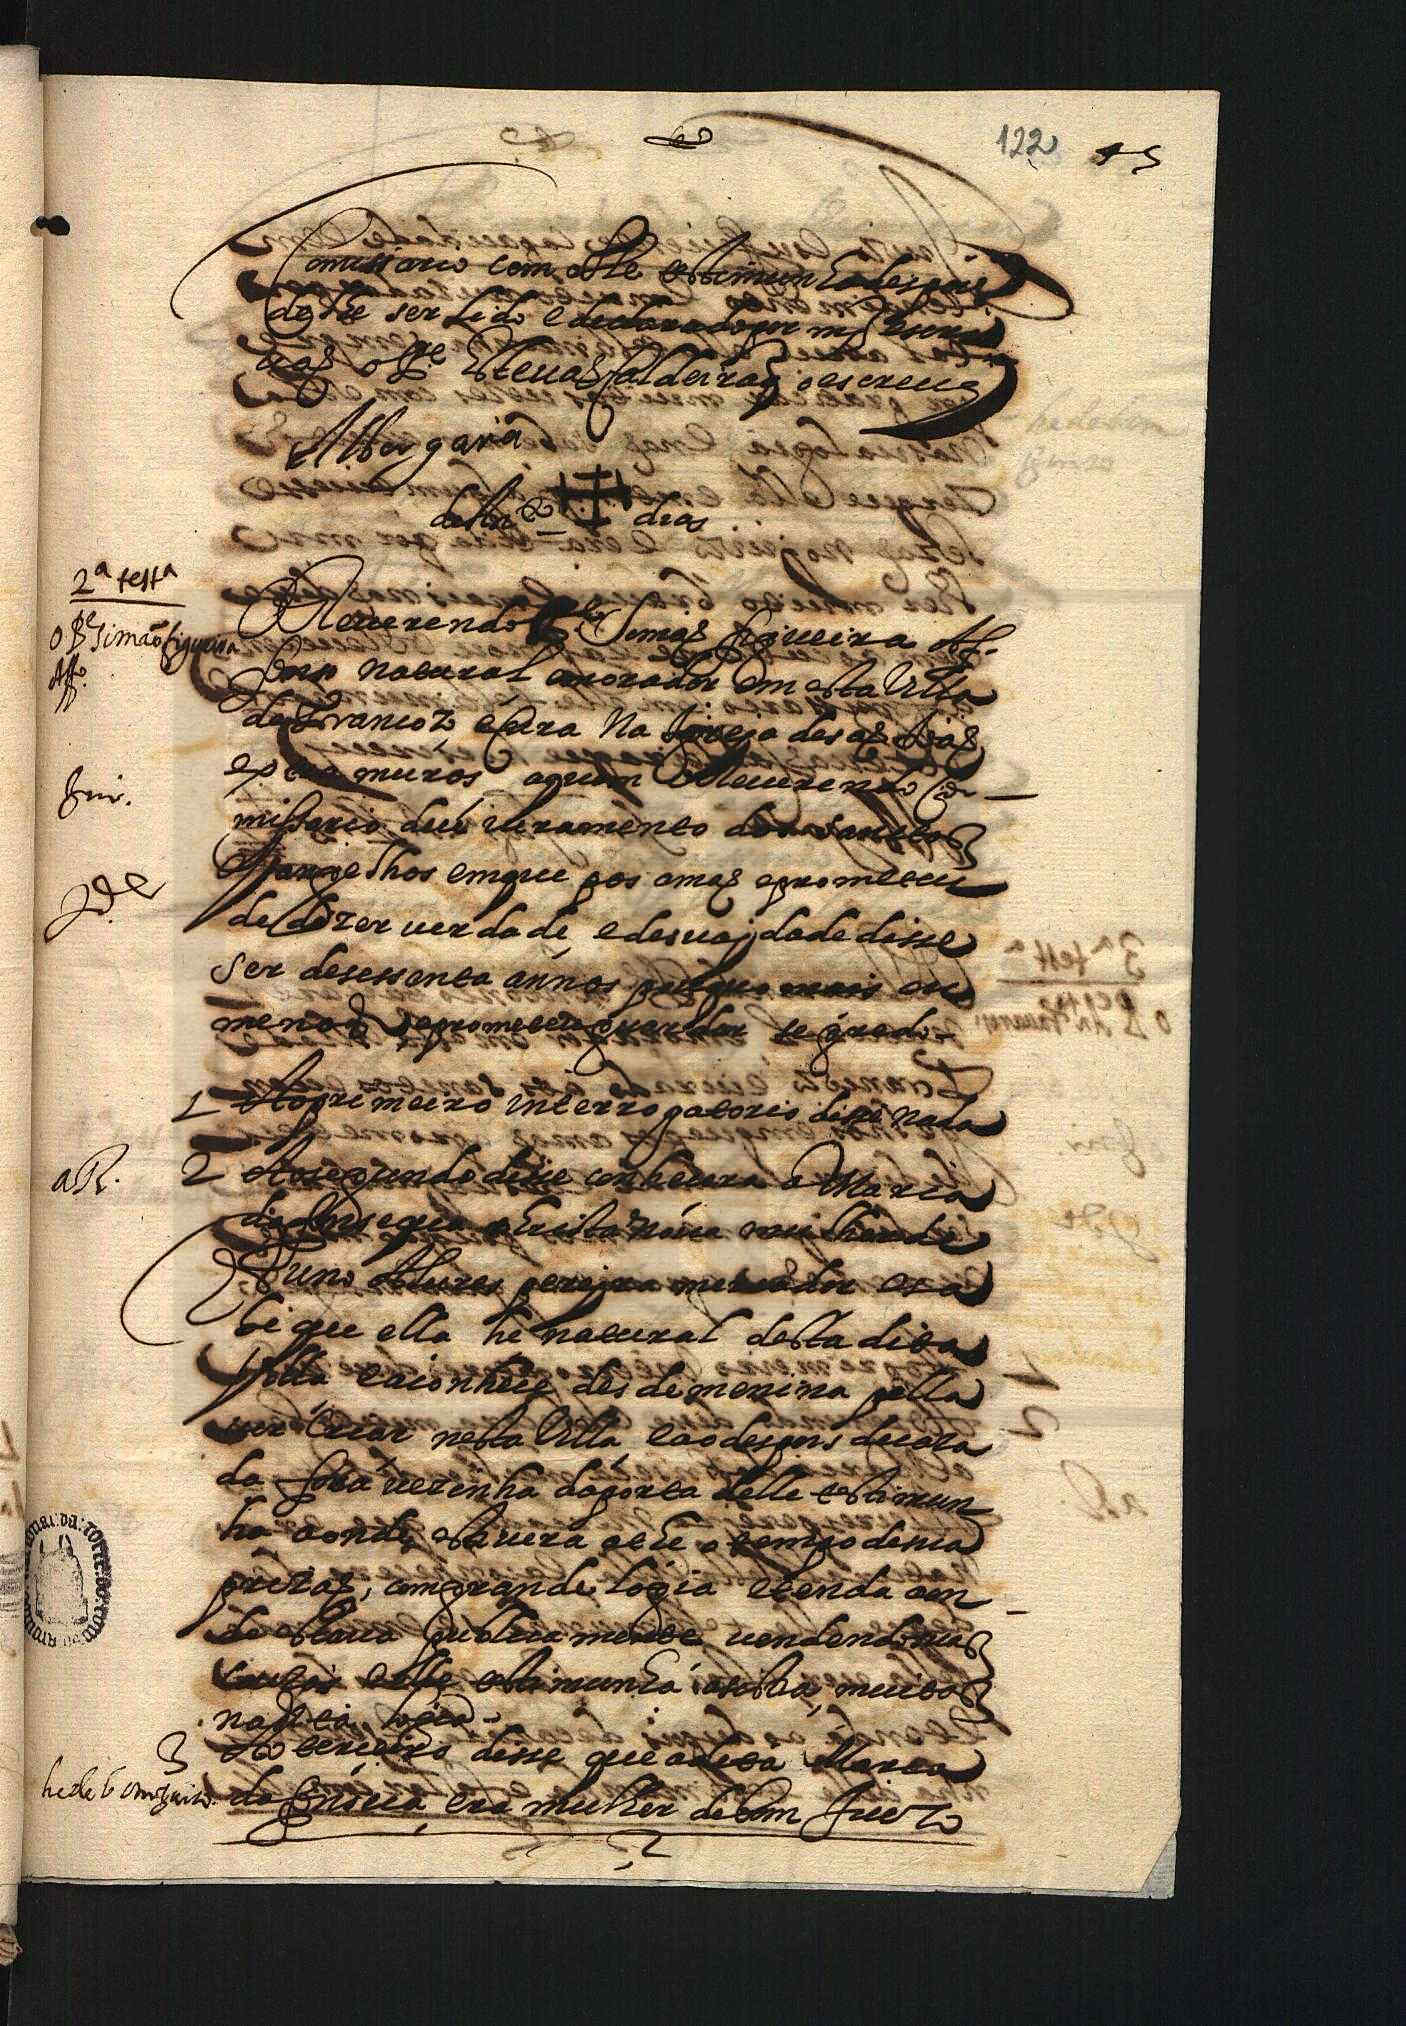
45
Comissario com elle testemunha despoes
de lhe ser Lido e declarado por mī escri
uaõ o P.e Esteuaõ Caldeira q̄ o escreuj
Albergaria
de Anto + dias
2a testa
O P.e Simaõ figueira
Aff.o
O Reuerendo P.e Simaõ figueira Af
fonso natural e morador em esta Villa
de Trancozo, e Cura Na Igreja de saõ Ioaõ
extra muros a quem o Reuerendo Co
Jur.o
missario deu iuramento dos Santos
evangelhos em que pos a maõ e prometeu
Jd.e
de dizer uerdade, e de sua idade disse
Ser de sessenta annos pouquo mais ou
menos e prometeu guardar segredo.
1 Ao primeiro interrogatorio disse nada
a R.
2 Ao segundo disse conhecera a R Maria
da fonsequa christã noua mulher de
Nuno Alures pereira mercador e sa
be que ella he natural desta dita
Villa e a conhece desde menina pella
uer criar nesta Villa, e ao despois de caza
da fora uezinha da porta delle testemun
ha aonde estiuera athe o tempo de sua
prizaõ, com grande Lógia e tenda aon
de estaua publicamente, uendendo suas
couzas e elle testemunha
asistia
muitas
na dita Logia
3 Ao terceiro disse que a dita Maria
he de bom Juizo.
da fonseca, era mulher de bom Juizo
